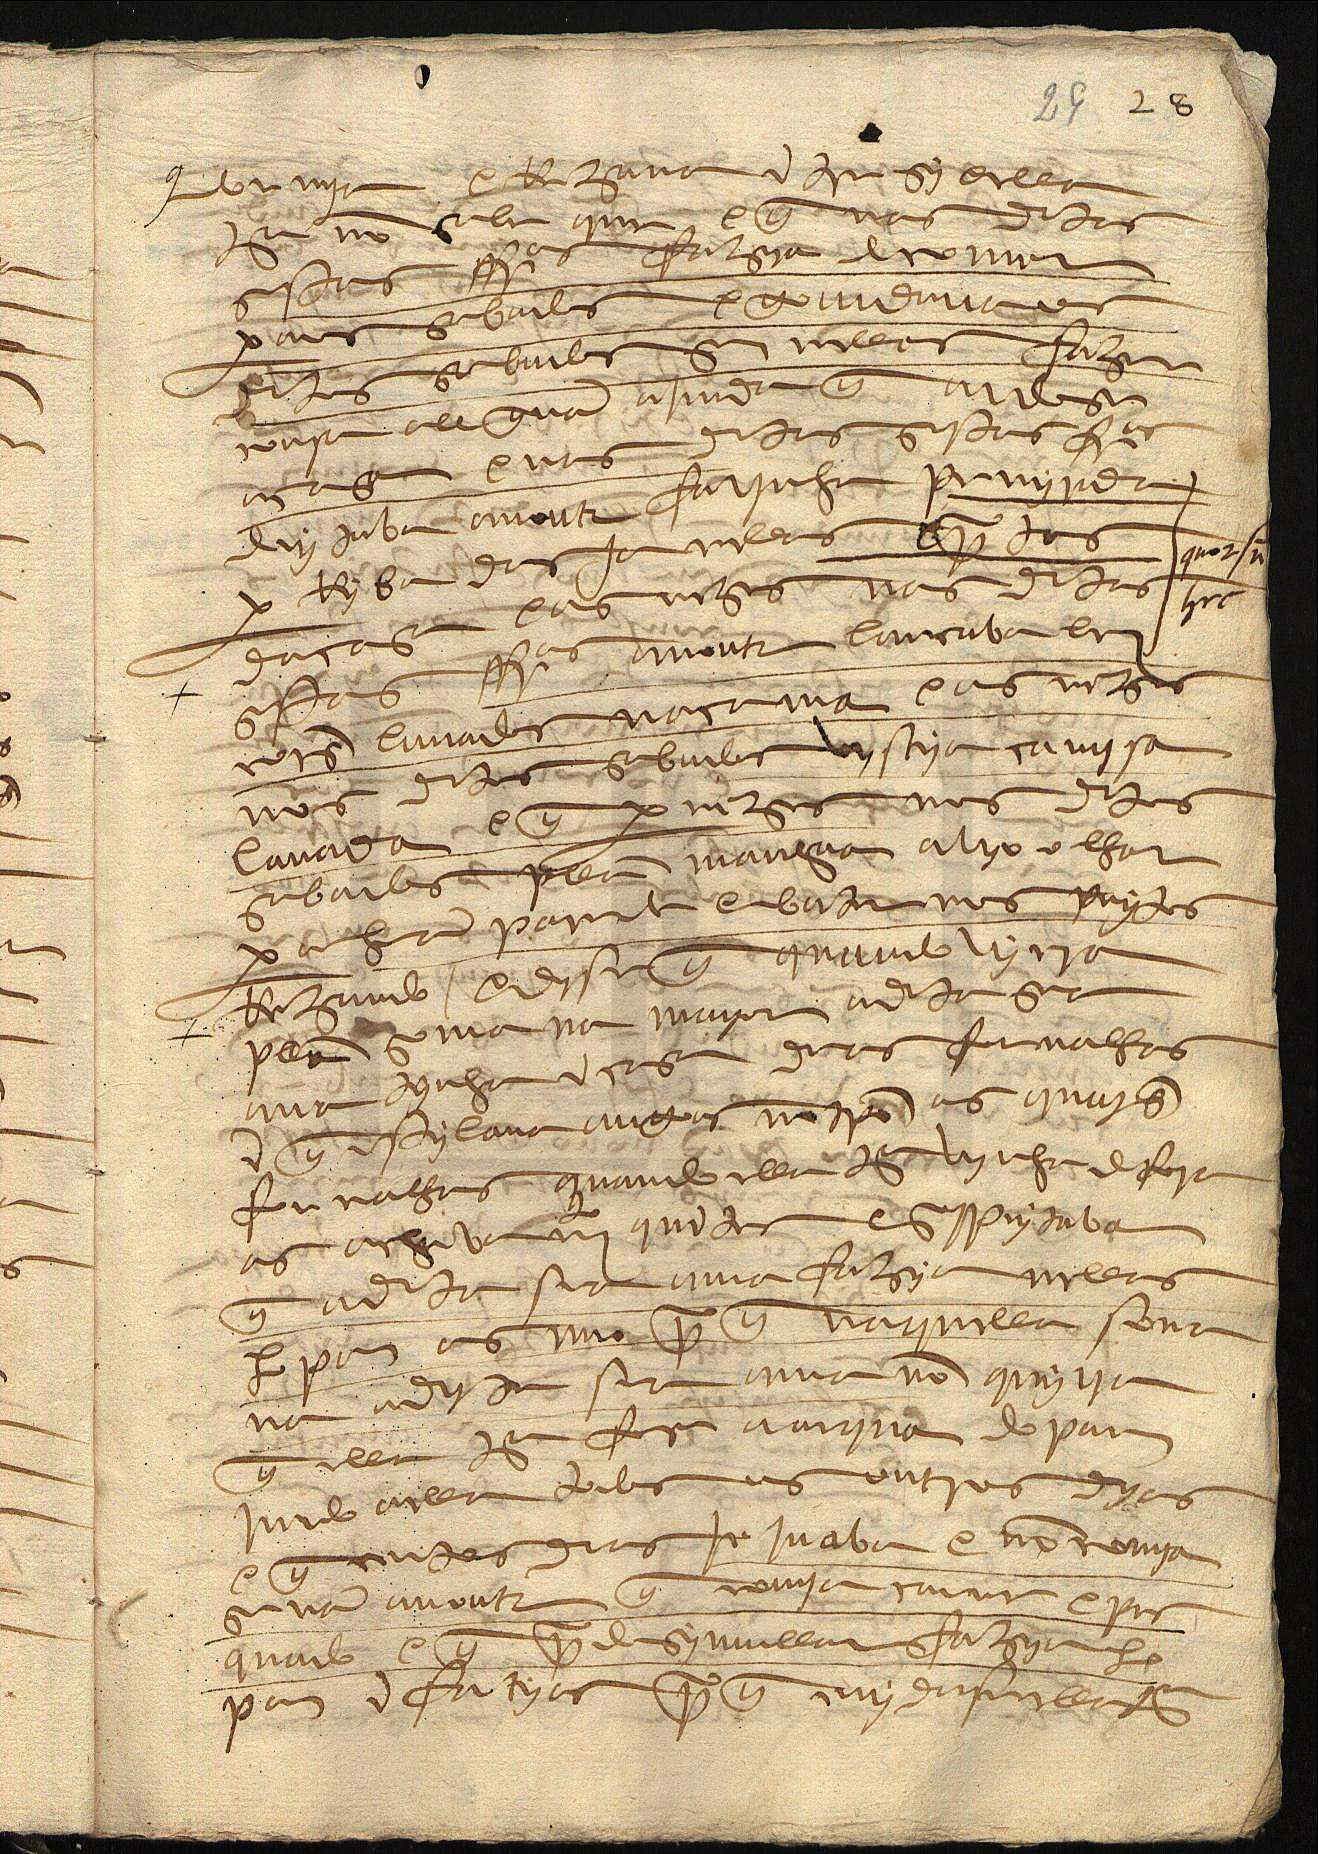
ꝯ dormja e Rezaua ētre sy e ella
ta n̄o sabe que e q̄ nas ditas
sestas ffras fazya de comer
ꝑa os sabados e goardaua os
ditos sabados sem nelles fazer
cousa allgūa aJmda q̄ ardese
a casa e nas ditas sestas fras
deytava a noute farjnha penyrada
quor sū
hec
ꝑ Ryba das janellas e p̄otas
da casa e as uezes nas ditas
sestas ffras a noute lançava len
çoes lauados na cama e as uezes
nos ditos sabados vystya camjsa
lauada e q̄ ꝑ uezes nos ditos
sabados pllā manhaa a vyo olhar
ꝑa huā parede e bater nos peytos
Rezando / e dyse q̄ quando vyera
pllā somana mayor a dita sua
ama tynha ē casa duas fornalhas
ē q̄ estylaua augoas n̄o tpō as quajs
fornalhas quando ella ta vynha de fora
as achava mto quētes e sospeytava
q̄ a dita sua ama fazya nellas
ho pam asmo p̄oq̄ naquella soma
na a dyta sua ama n̄o quyrja
q̄ ella ta fose a arqua do pam
Jmdo a ella todos os outros dyas
e q̄ certos dias JeJuava e n̄o comja
senā a noute q̄ comja carne e pes
quado q̄ p̄o desymullar fazya ho
pam ē fatyas p̄o q̄ cuydase ella ta
